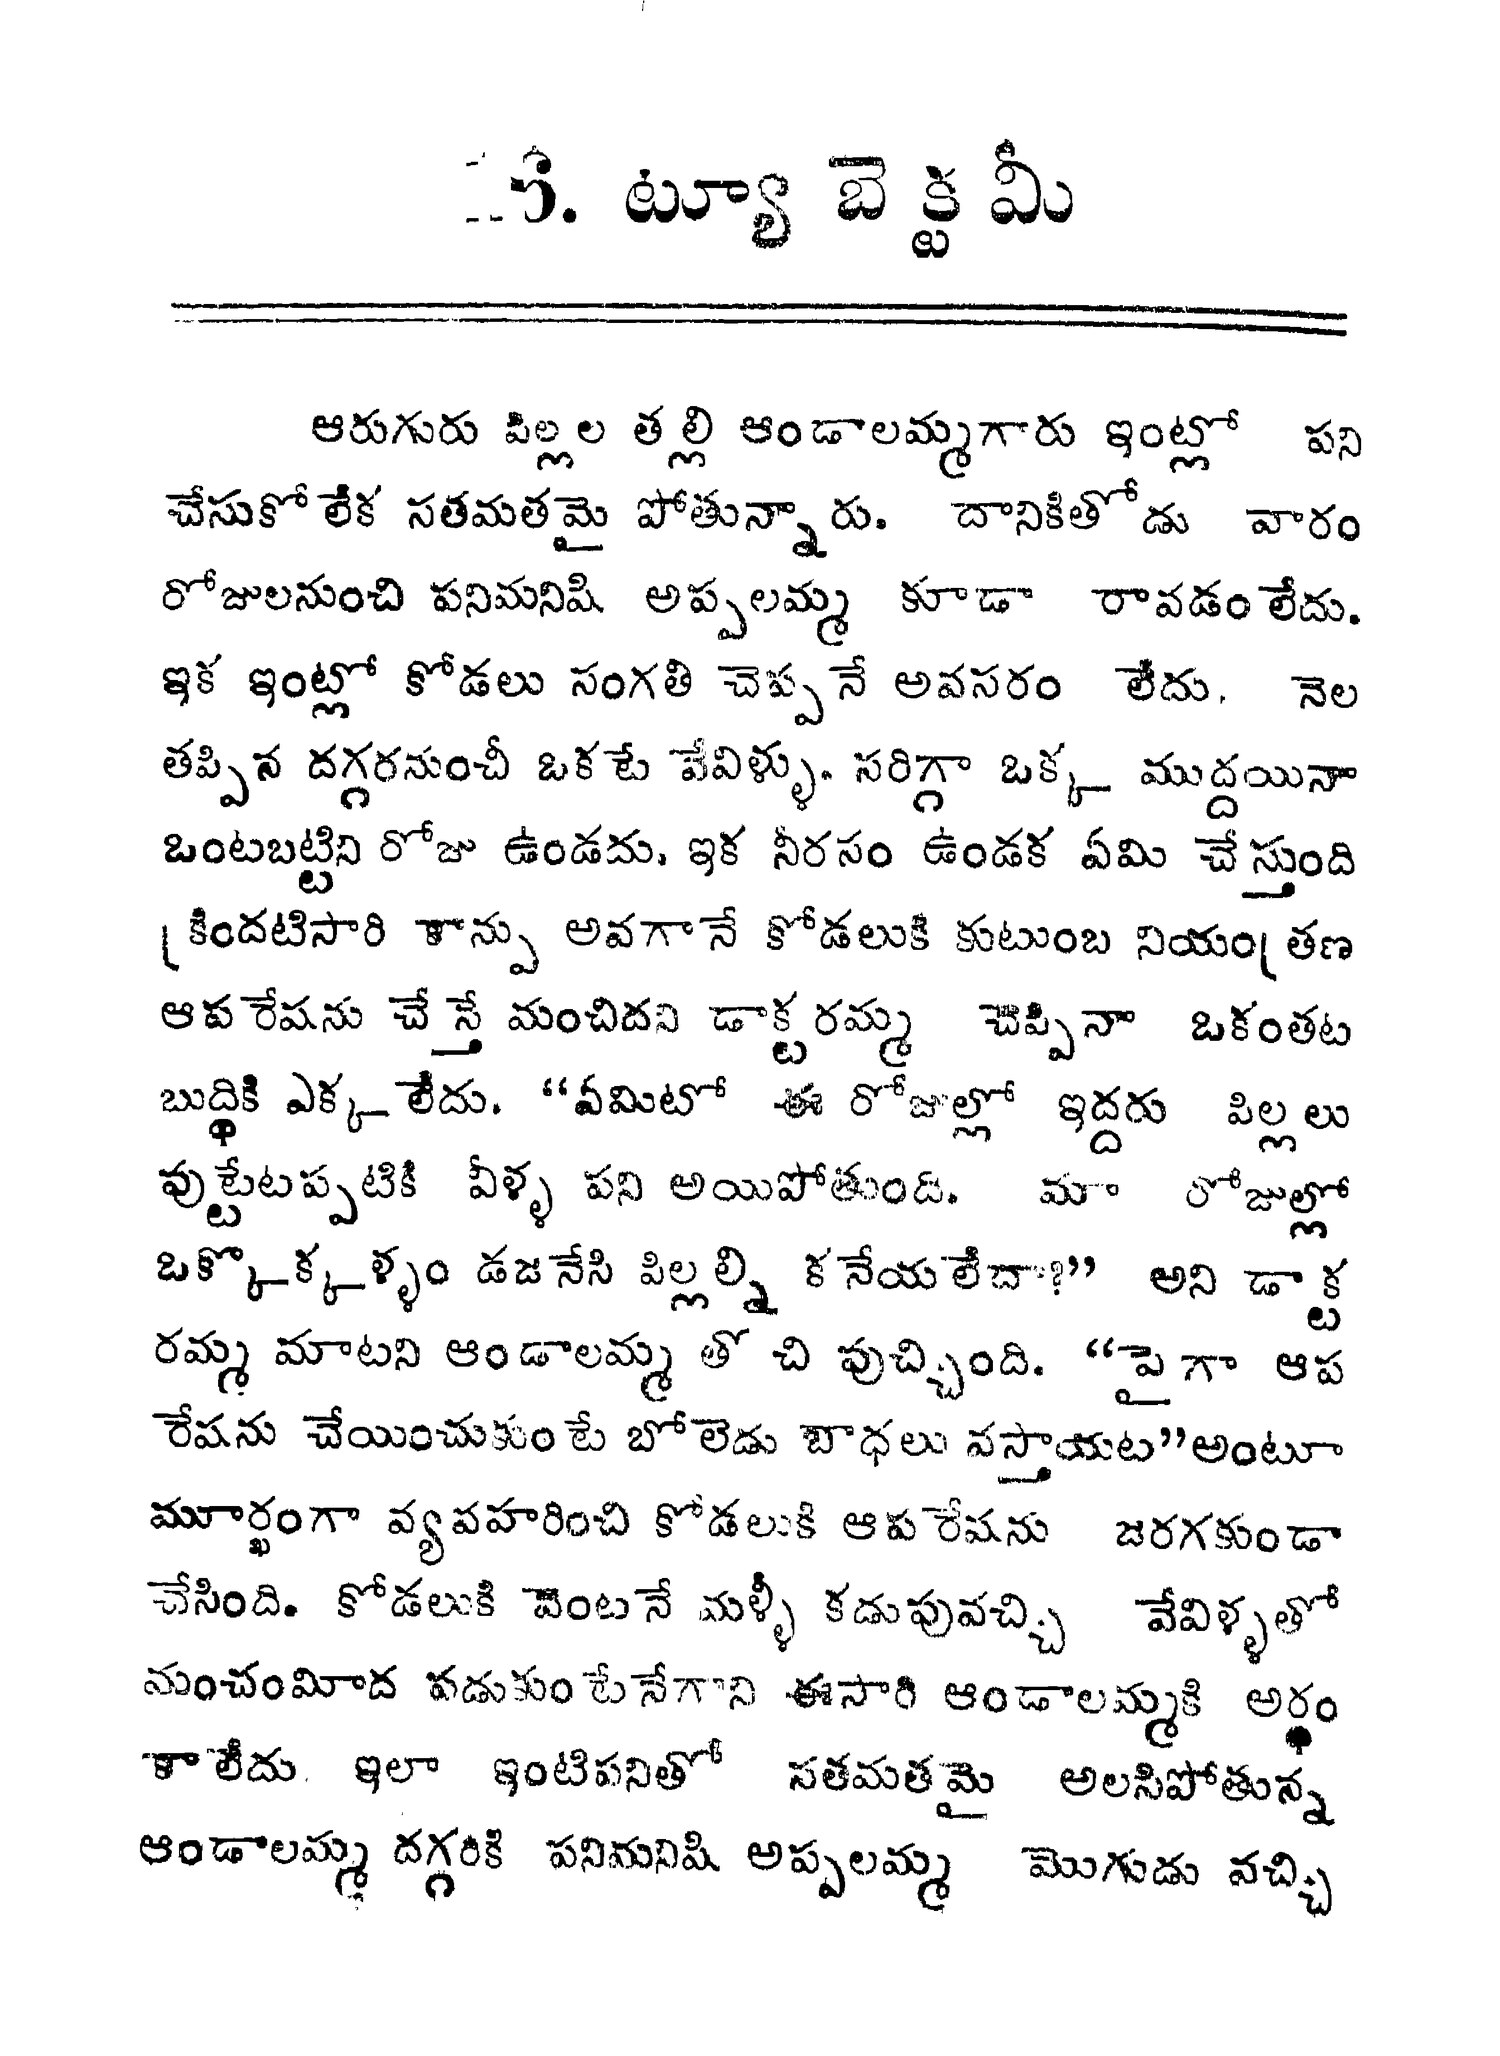ఆరుగురు పిల్లల తల్లి ఆండాలమ్మగారు ఇంట్లో పని చేసుకోలేక సతమతమై పొతున్నారు. దానికీతోడు వారం రోజులనుంచి పనిమనిషి అప్పలమ్మ కూడా రావడంలేదు. ఇక ఇంట్లో కోడలు సంగతి చెప్పనే అవసరం లేదు. నెల తప్పిన దగ్గరనుంచీ ఒకటే వేవిళ్ళు. సరిగ్గా ఒక్క ముద్దయినా ఒంటబట్టిని రోజు ఉండదు. ఇక నీరసం ఉండక ఏమి చేస్తుంది క్రిందటిసారి కాన్పు అవగానే కోడలుకి కుటుంబ నియంత్రణ ఆపరేషను చేస్తే మంచిదని డాక్టరమ్మ చెప్పినా ఓకంతట బుద్దికి ఎక్కలేదు. "ఏమిటో ఈ రోజుల్లో ఇద్దరు పిల్లలు పుట్టేటప్పటికి వీళ్ళ పని అయిపోతోంది. మా రోజుల్లో ఒక్కొక్కళ్ళం డజనేసి పిల్లల్ని కనేయలేదా?" అని డాక్టరమ్మ మాటని ఆండాలమ్మ తోచి పుచ్చింది. "పైగా ఆపరేషను చేయించుకుంటే బోలెడు బాధలు వస్తాయట" అంటూమూర్ఖంగా వ్యవారించి కోడలుకి ఆపరేషను జరగకుండా చేసింది. కోడలుకి వెంటనే మళ్ళీ కడుపువచ్చి వేవిళ్ళతో మంచం మీద పడుకుంటేనేగాని ఈసారి ఆండాలమ్మకి అర్ధం కాలేదు. ఇలా ఇంటిపనితో సతమతమై అలసిపోతున్న ఆండాలమ్మ దగ్గరికి పనిమనిషి అప్పలమ్మ మొగుడు వచ్చి